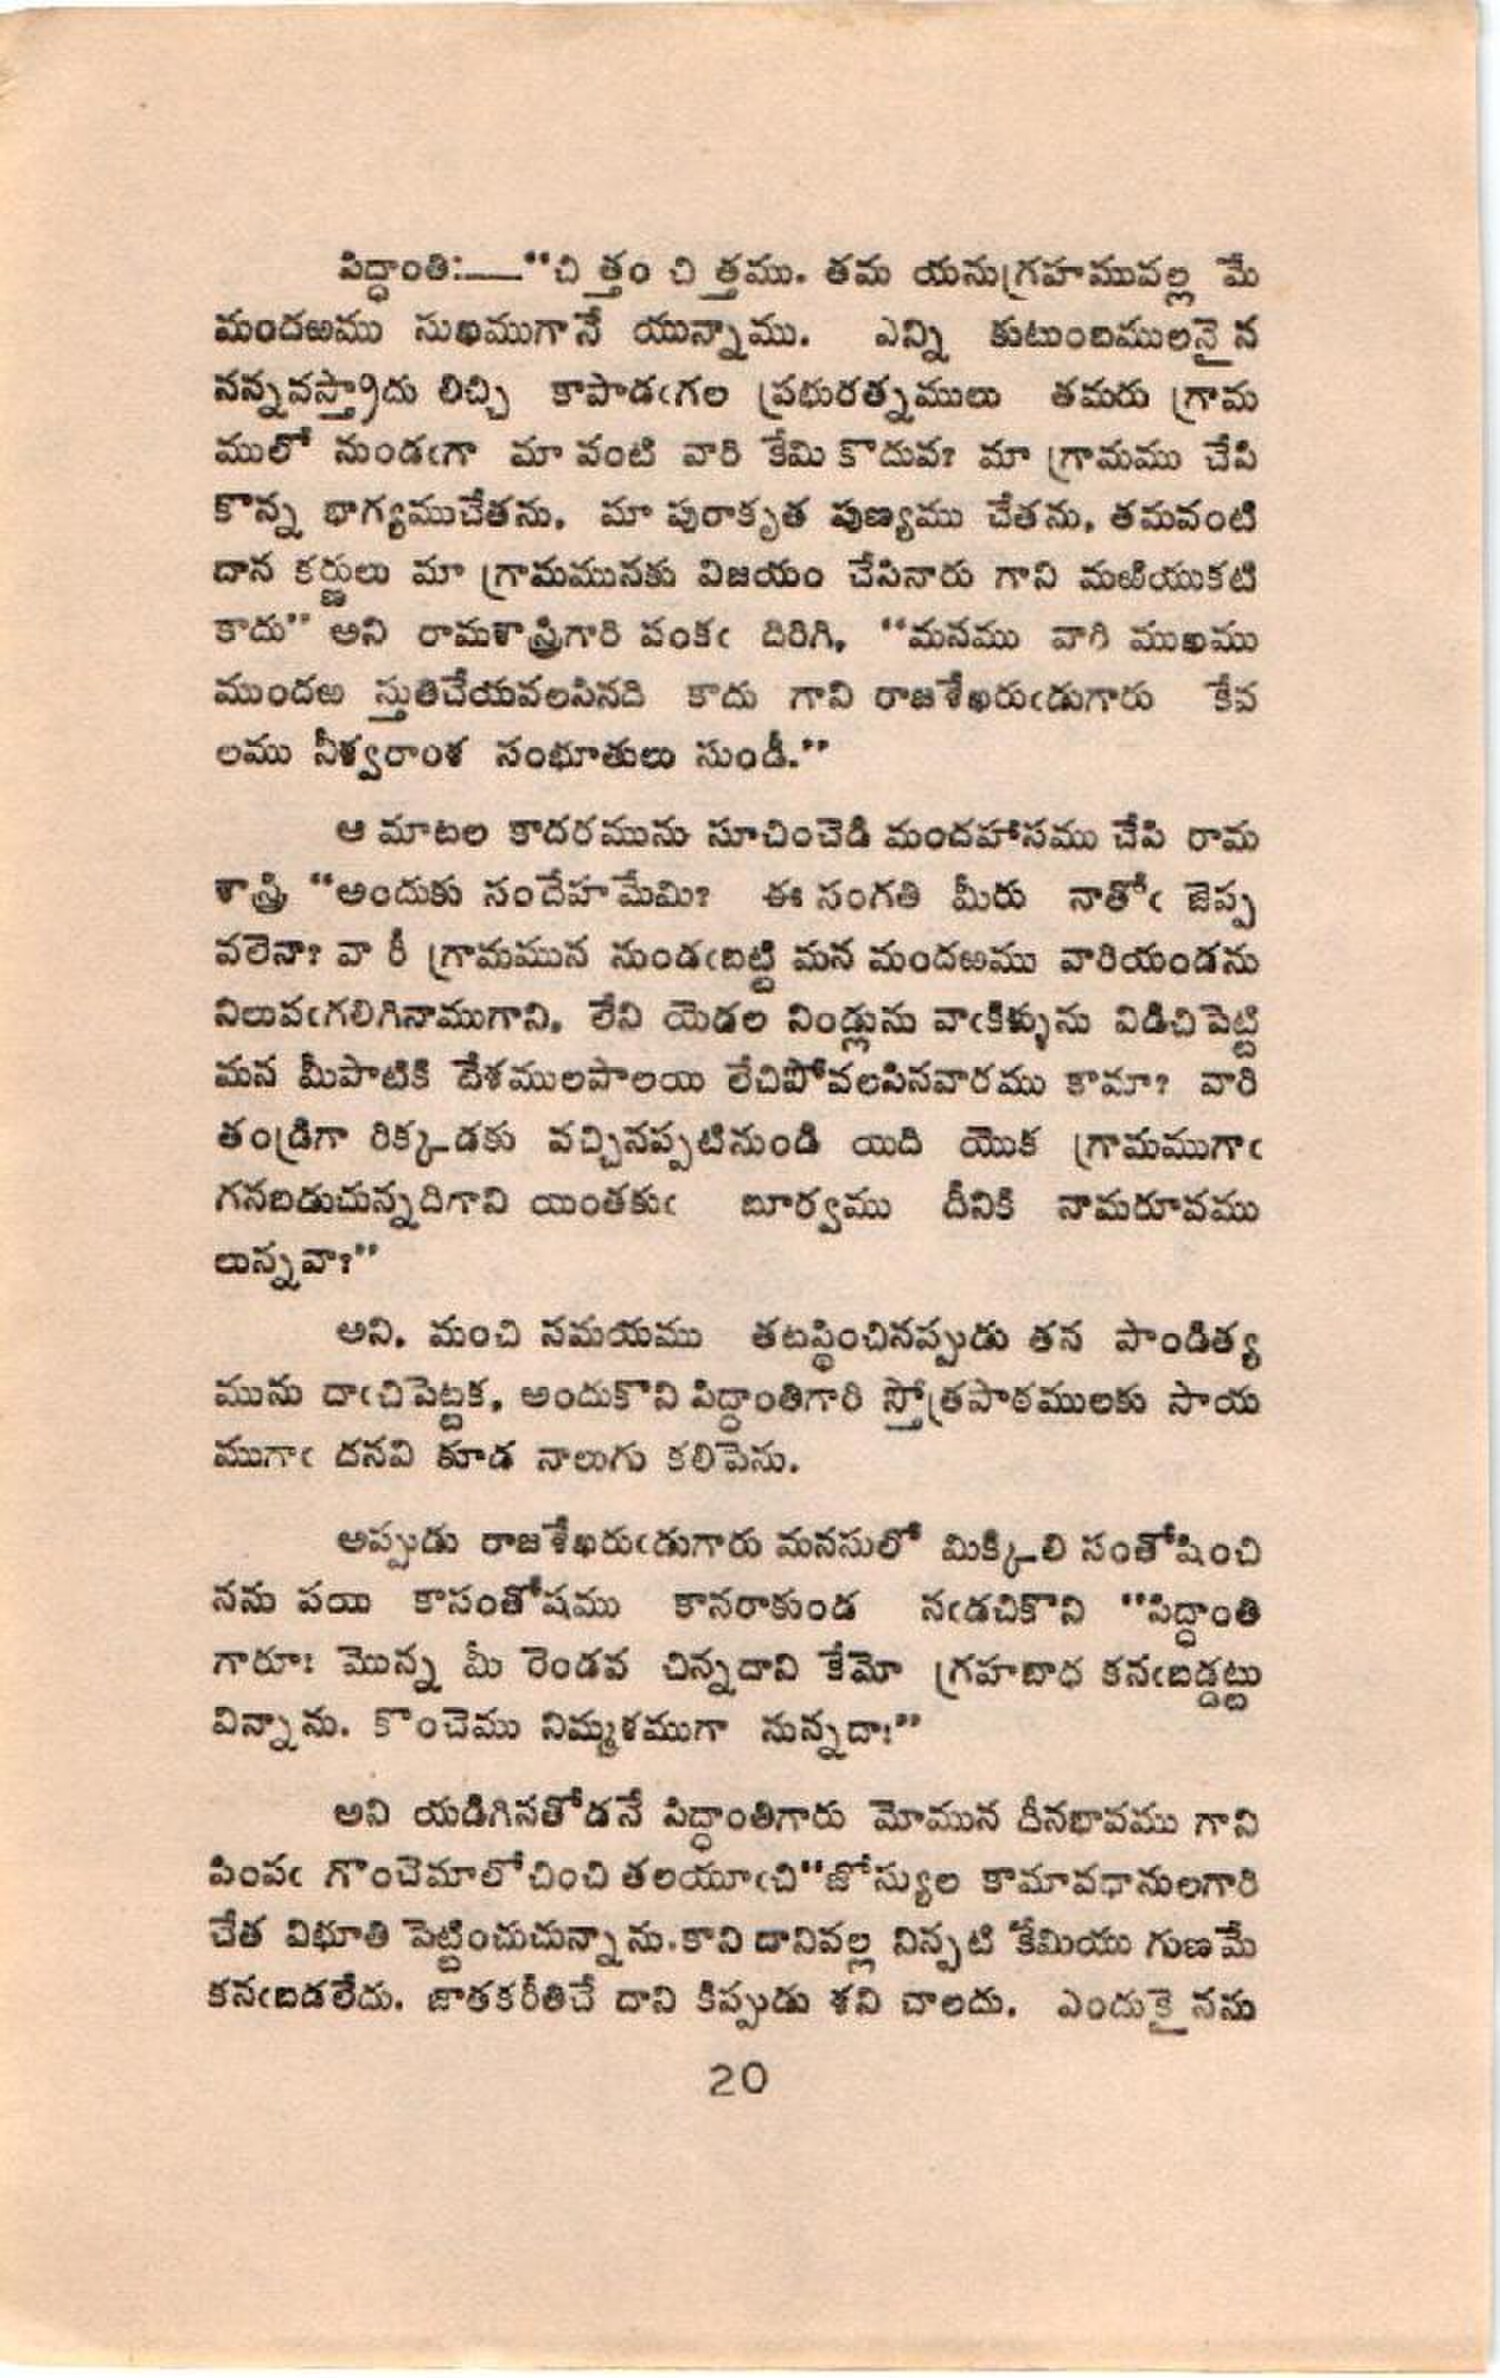సిద్ధాంతి:-"చిత్తం చిత్తము. తమ యనుగ్రహమువల్ల మే మందఱము సుఖముగానే యున్నాము. ఎన్ని కుటుంబములనైన నన్నవస్త్రాదు లిచ్చి కాపాడఁగల ప్రభురత్నములు తమరు గ్రామములో నుండఁగా మా వంటి వారి కేమి కొదువ? మా గ్రామము చేసికొన్న భాగ్యముచేతను, మా పురాకృత పుణ్యము చేతను, తమవంటి దాన కర్ణులు మా గ్రామమునకు విజయం చేసినారు గాని మఱియుకటి కాదు" అని రామశాస్త్రిగారి వంకఁ దిరిగి, "మనము వారి ముఖము ముందఱ స్తుతిచేయవలసినది కాదు గాని రాజశేఖరుఁడుగారు కేవలము నీశ్వరాంశ సంభూతులు సుండీ."

ఆ మాటల కాదరమును సూచించెడి మందహాసము చేసి రామశాస్త్రి "అందుకు సందేహమేమి? ఈ సంగతి మీరు నాతోఁ జెప్పవలెనా? వారీ గ్రామమున నుండఁబట్టి మన మందఱము వారియండను నిలువఁగలిగినాముగాని, లేని యెడల నిండ్లును వాఁకిళ్ళను విడిచిపెట్టి మన మీపాటికి దేశములపాలయి లేచిపోవలసినవారము కామా? వారి తండ్రిగా రిక్కడకు వచ్చినప్పటినుండి యిది యొక గ్రామముగాఁ గనబడుచున్నదిగాని యింతకుఁ బూర్వము దీనికి నామరూవము లున్నవా?"

అని, మంచి సమయము తటస్థించినప్పడు తన పాండిత్యమును దాఁచిపెట్టక, అందుకొని సిద్ధాంతిగారి స్త్రోత్రపాఠములకు సాయముగాఁ దనవి కూడ నాలుగు కలిపెను.

అప్పడు రాజశేఖరుఁడుగారు మనసులో మిక్కిలి సంతోషించి నను పయి కాసంతోషము కానరాకుండ నఁడచికొని "సిద్ధాంతిగారూ! మొన్న మీ రెండవ చిన్నదాని కేమో గ్రహబాధ కనఁబడ్డట్టు విన్నాను. కొంచెము నిమ్మళముగా నున్నదా"

అని యడిగినతోడనే సిద్ధాంతిగారు మోమున దీనభావము గాని పింపఁ గొంచెమాలోచించి తలయూఁచి "జోస్యుల కామావధానుల చేత విభూతి పెట్టించుచున్నాను. కాని దానివల్ల నిన్నటి కేమియు గుణమే కనఁబడలేదు. జాతకరీతిచే దాని కిప్పుడు శని చాలదు. ఎందుకైనను